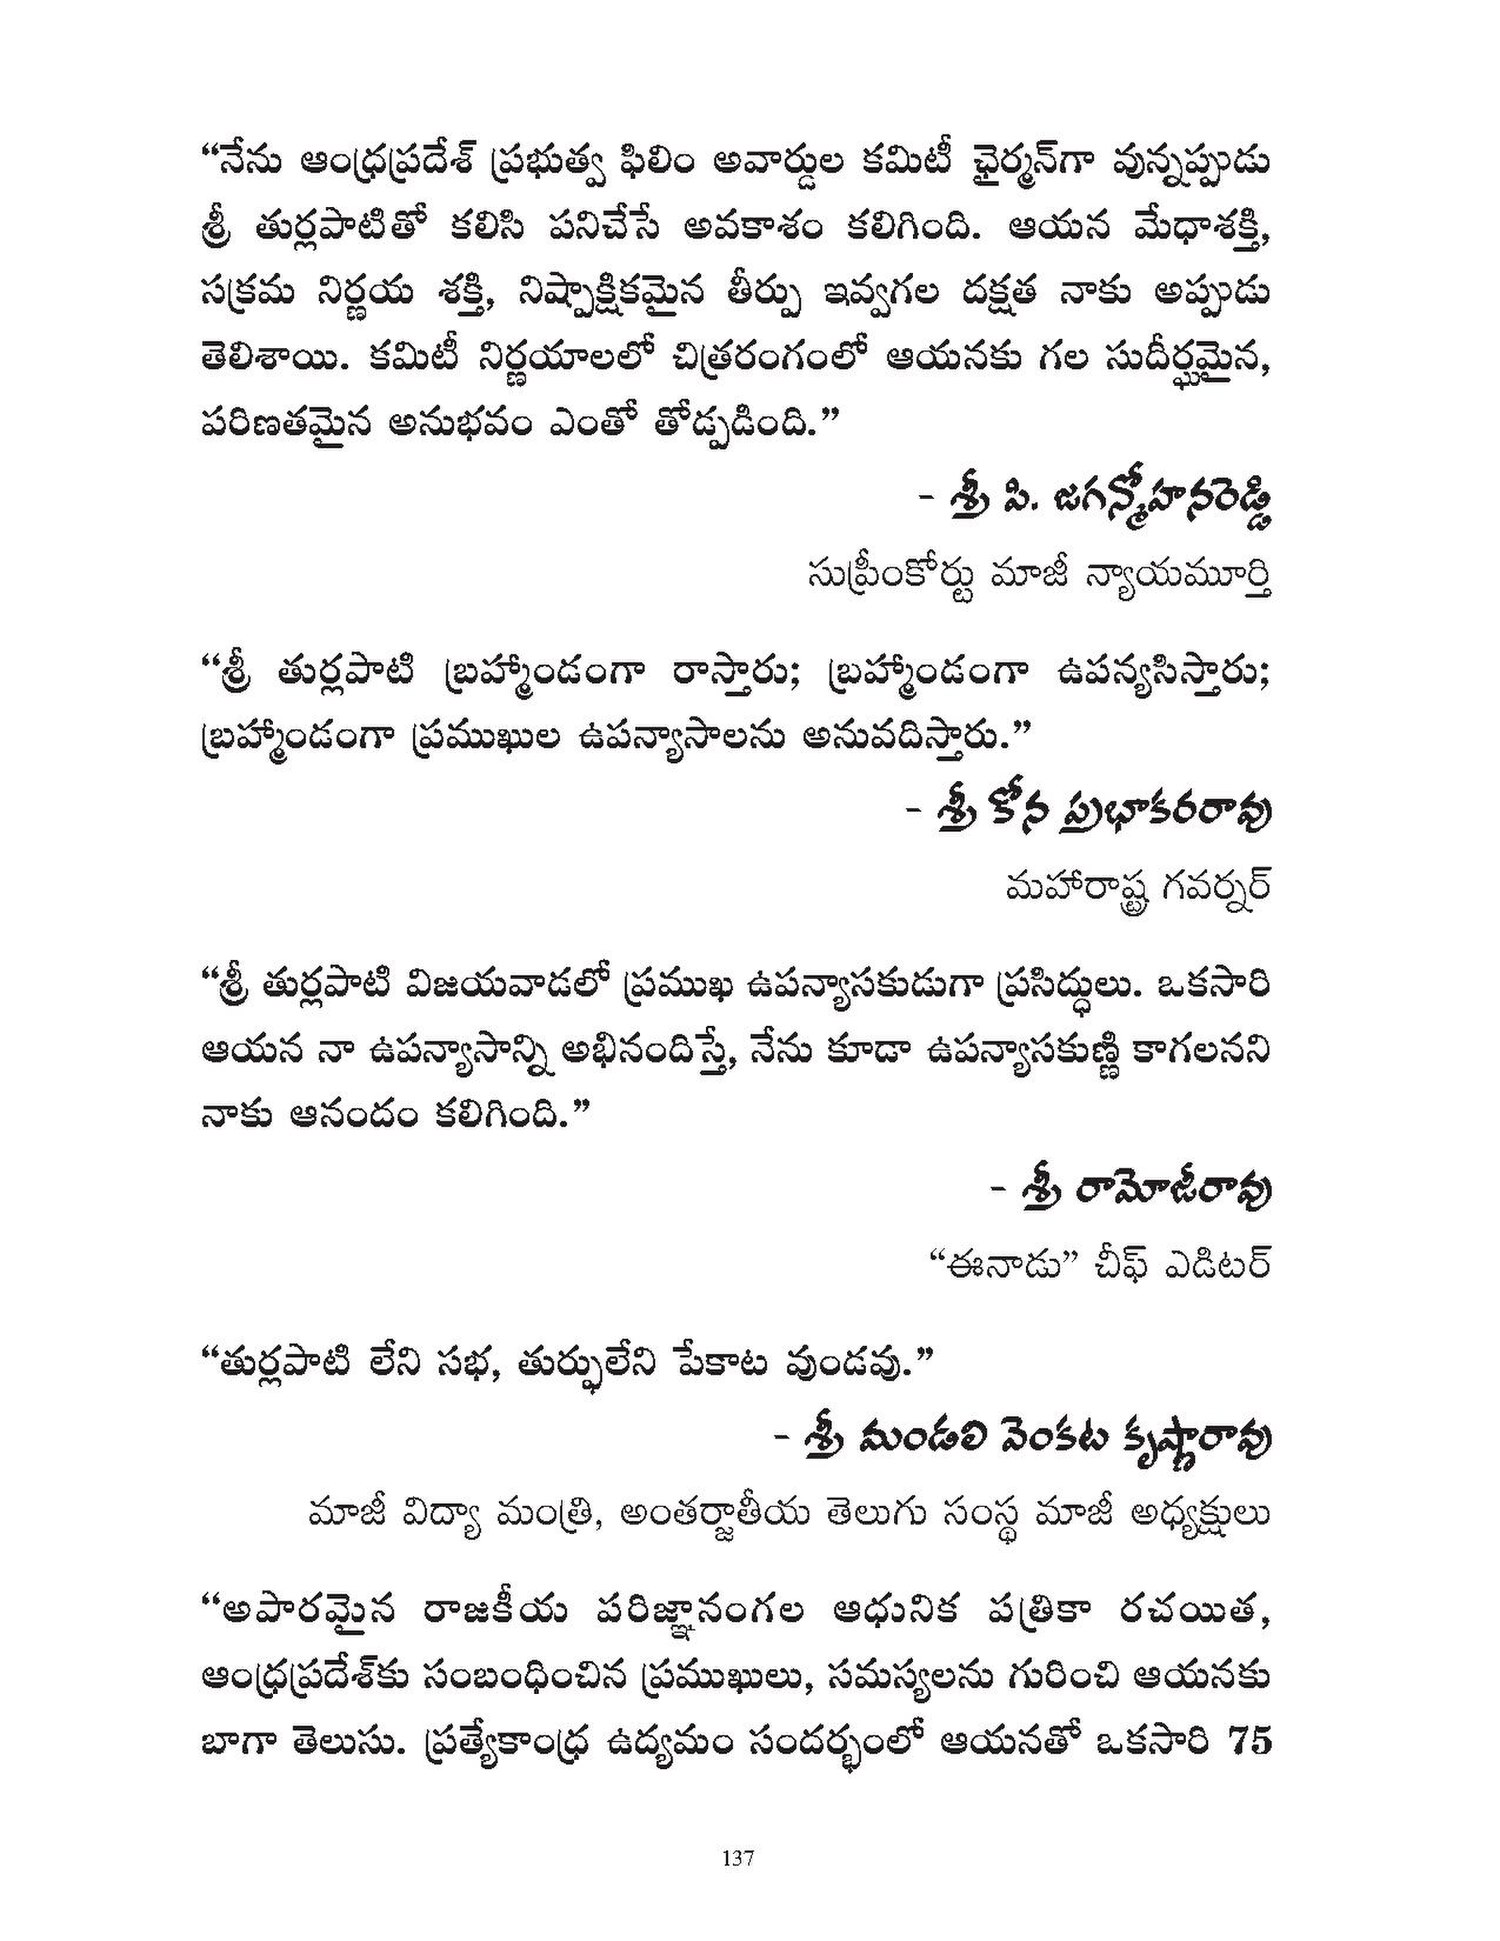"నేను ఆంధ్రప్రదేశ్‌ ప్రభుత్వ ఫిలిం అవార్డుల కమిటీ ఛైర్మన్‌గా వున్నప్పుడు శ్రీ తుర్లపాటితో కలిసి పనిచేసే అవకాశం కలిగింది. ఆయన మేధాశక్తి,సక్రమ నిర్ణయ శక్తి, నిష్పాక్షికమైన తీర్పు ఇవ్వగల దక్షత నాకు అప్పుడు తెలిశాయి. కమిటీ నిర్ణయాలలో చిత్రరంగంలో ఆయనకు గల సుదీర్ఘమైన, పరిణతమైన అనుభవం ఎంతో తోడ్పడింది."

"శ్రీ తుర్లపాటి బ్రహ్మాండంగా రాస్తారు; బ్రహ్మాండంగా ఉపన్యసిస్తారు;
బ్రహ్మాండంగా ప్రముఖుల ఉపన్యాసాలను అనువదిస్తారు."

"శ్రీ తుర్లపాటి విజయవాడలో ప్రముఖ ఉపన్యాసకుడుగా ప్రసిద్ధులు. ఒకసారి
ఆయన నా ఉపన్యాసాన్ని అభినందిస్తే, నేను కూడా ఉపన్యాసకుణ్ణి కాగలనని
నాకు ఆనందం కలిగింది."

"తుర్లపాటి లేని సభ, తుర్ఫులేని పేకాట వుండవు."

"అపారమైన రాజకీయ పరిజ్ఞానంగల ఆధునిక పత్రికా రచయిత,
ఆంధ్రప్రదేశ్‌కు సంబంధించిన ప్రముఖులు, సమస్యలను గురించి ఆయనకు
బాగా తెలుసు. ప్రత్యేకాంధ్ర ఉద్యమం సందర్భంలో ఆయనతో ఒకసారి 75